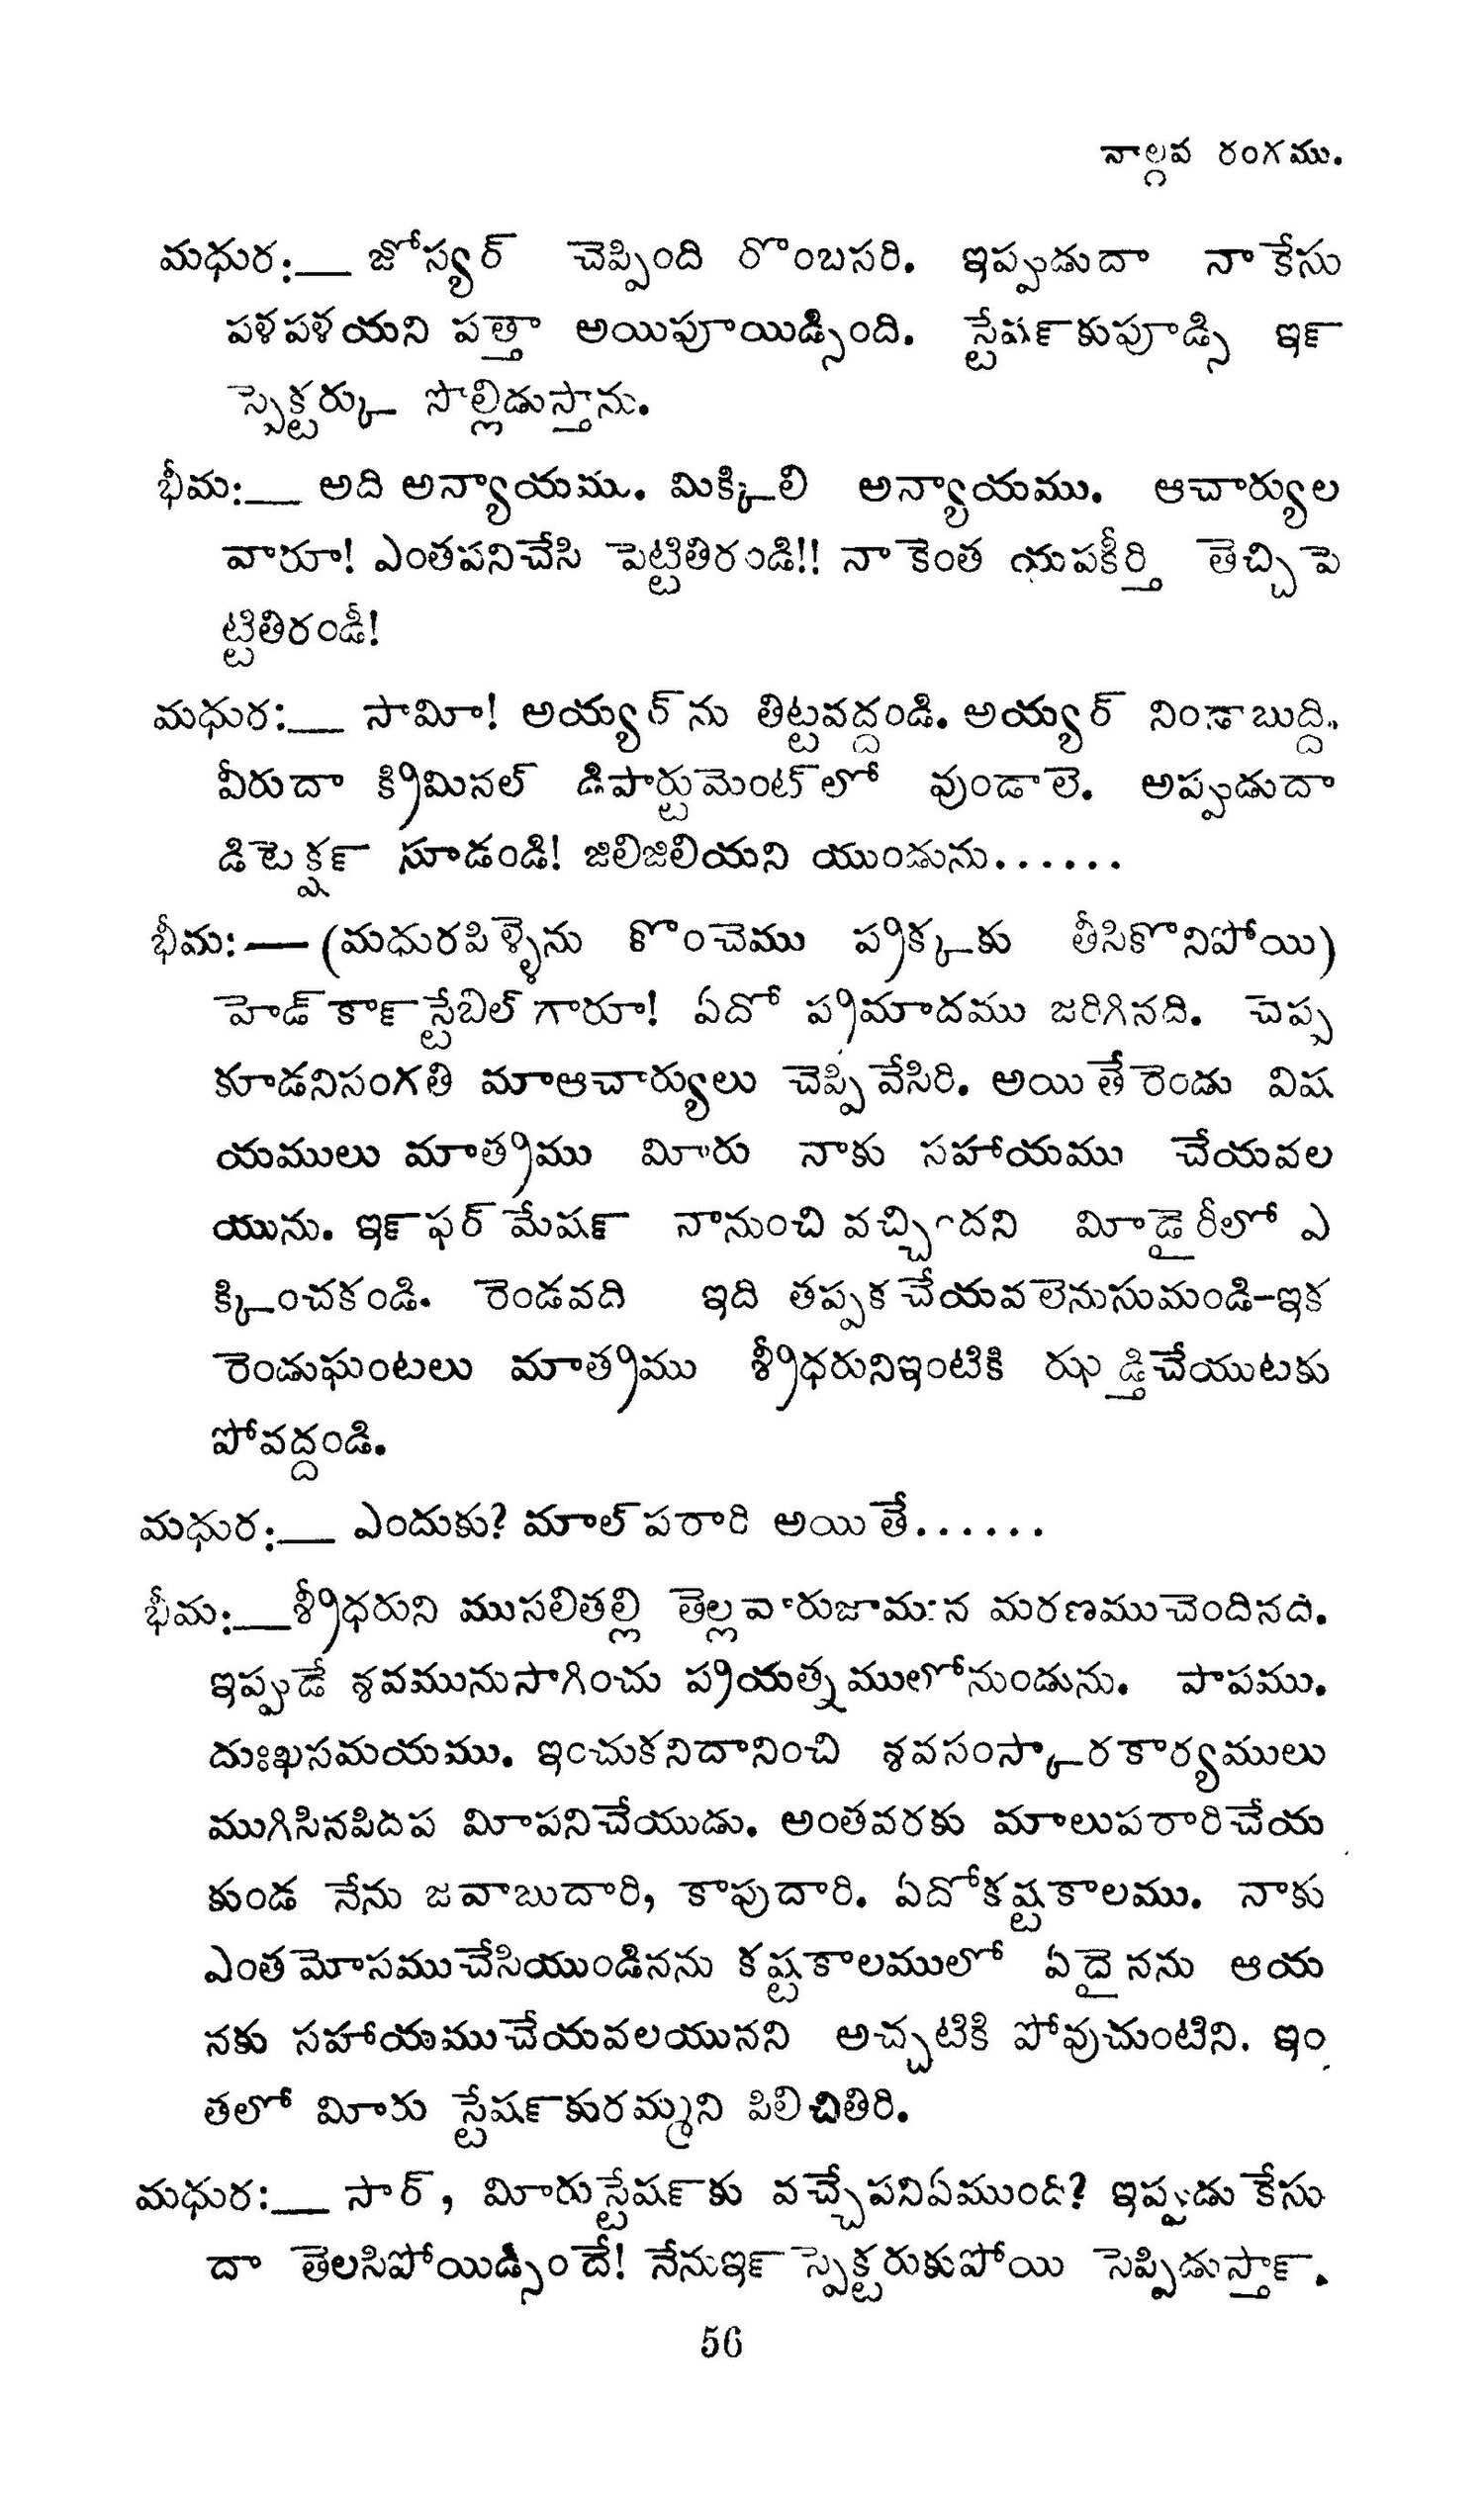మధుర:- జోస్యర్ చెప్పింది రొంబసరి. ఇప్పుడు దా నా కేసు
పళ పళయని పత్తా అయిపూయిడ్సింది. స్టేషకుపూడ్సి ఇం
స్పెక్టర్కు సొల్లిడుస్తాను.

భీమ: _ అది అన్యాయము, మిక్కిలి అన్యాయము, ఆచార్యుల
వారూ! ఎంతపని చేసి పెట్టితిరండి!! నా కెంత యపకీర్తి తెచ్చి పె
ట్టితిరండీ!

మధుర:- సామీ! అయ్యర్ ను తిట్టవద్దండి. అయ్యర్ నిండా బుద్ది,
వీరుదా క్రిమినల్ డిపార్టుమెంట్ లో వుండాలె. అప్పుడు దా
డిటెక్షణ సూడండి! జిలిజిలియని యుండును. ....

భీమ: – (మధుర పిళ్ళెను కొంచెము పక్కకు తీసికొనిపోయి)
హెడ్ కాని స్టేబిల్ గారూ! ఏదో ప్రమాదము జరిగినది. చెప్పు
కూడని సంగతి మా ఆచార్యులు చెప్పి వేసిరి. అయితే రెండు విష
యములు మాత్రము మీరు నాకు సహాయము చేయవల
యును. ఇన్ ఫర్ మేషశ్ నానుంచి వచ్చిందని మీడై రీలో ఎ
క్కించకండి. రెండవది ఇది తప్పక చేయవ లెనుసుమండి-ఇక
రెండు ఘంటలు మాత్రము శ్రీధరుని ఇంటికి ఝడ్తి చేయుటకు
పోవద్దండి.

మధుర:- ఎందుకు? మాల్ పరారి అయితే......

భీమ: _ శ్రీధరుని ముసలితల్లి తెల్ల వారుజామన మరణము చెందినది.
ఇప్పుడే శవమును సాగించు ప్రయత్నము లోనుండును. పాపము.
దుఃఖసమయము, ఇంచుక నిదానించి శవసంస్కార కార్యములు
ముగిసిన పిదప మీపని చేయుడు. అంతవరకు మాలుపరారిచేయ
కుండ నేను జవాబుదారి, కాపు దారి. ఏదోకష్టకాలము, నాకు
ఎంత మోసము చేసియుండినను కష్టకాలములో ఏదైనను ఆయ
నకు సహాయము చేయవలయునని అచ్చటికి పోవుచుంటిని. ఇం,
తలో నాకు స్టేషన్ కురమ్మని పిలిచితిరి.

మధురః - సార్ , మీరు స్టేషన్ కు వచ్చే పనిఏముంది? ఇప్పుడు కేసు
దా తెలసిపోయిడ్సిందే! నేను ఇన్ స్పెక్టరుకుపోయి సెప్పిడుస్తాన్.